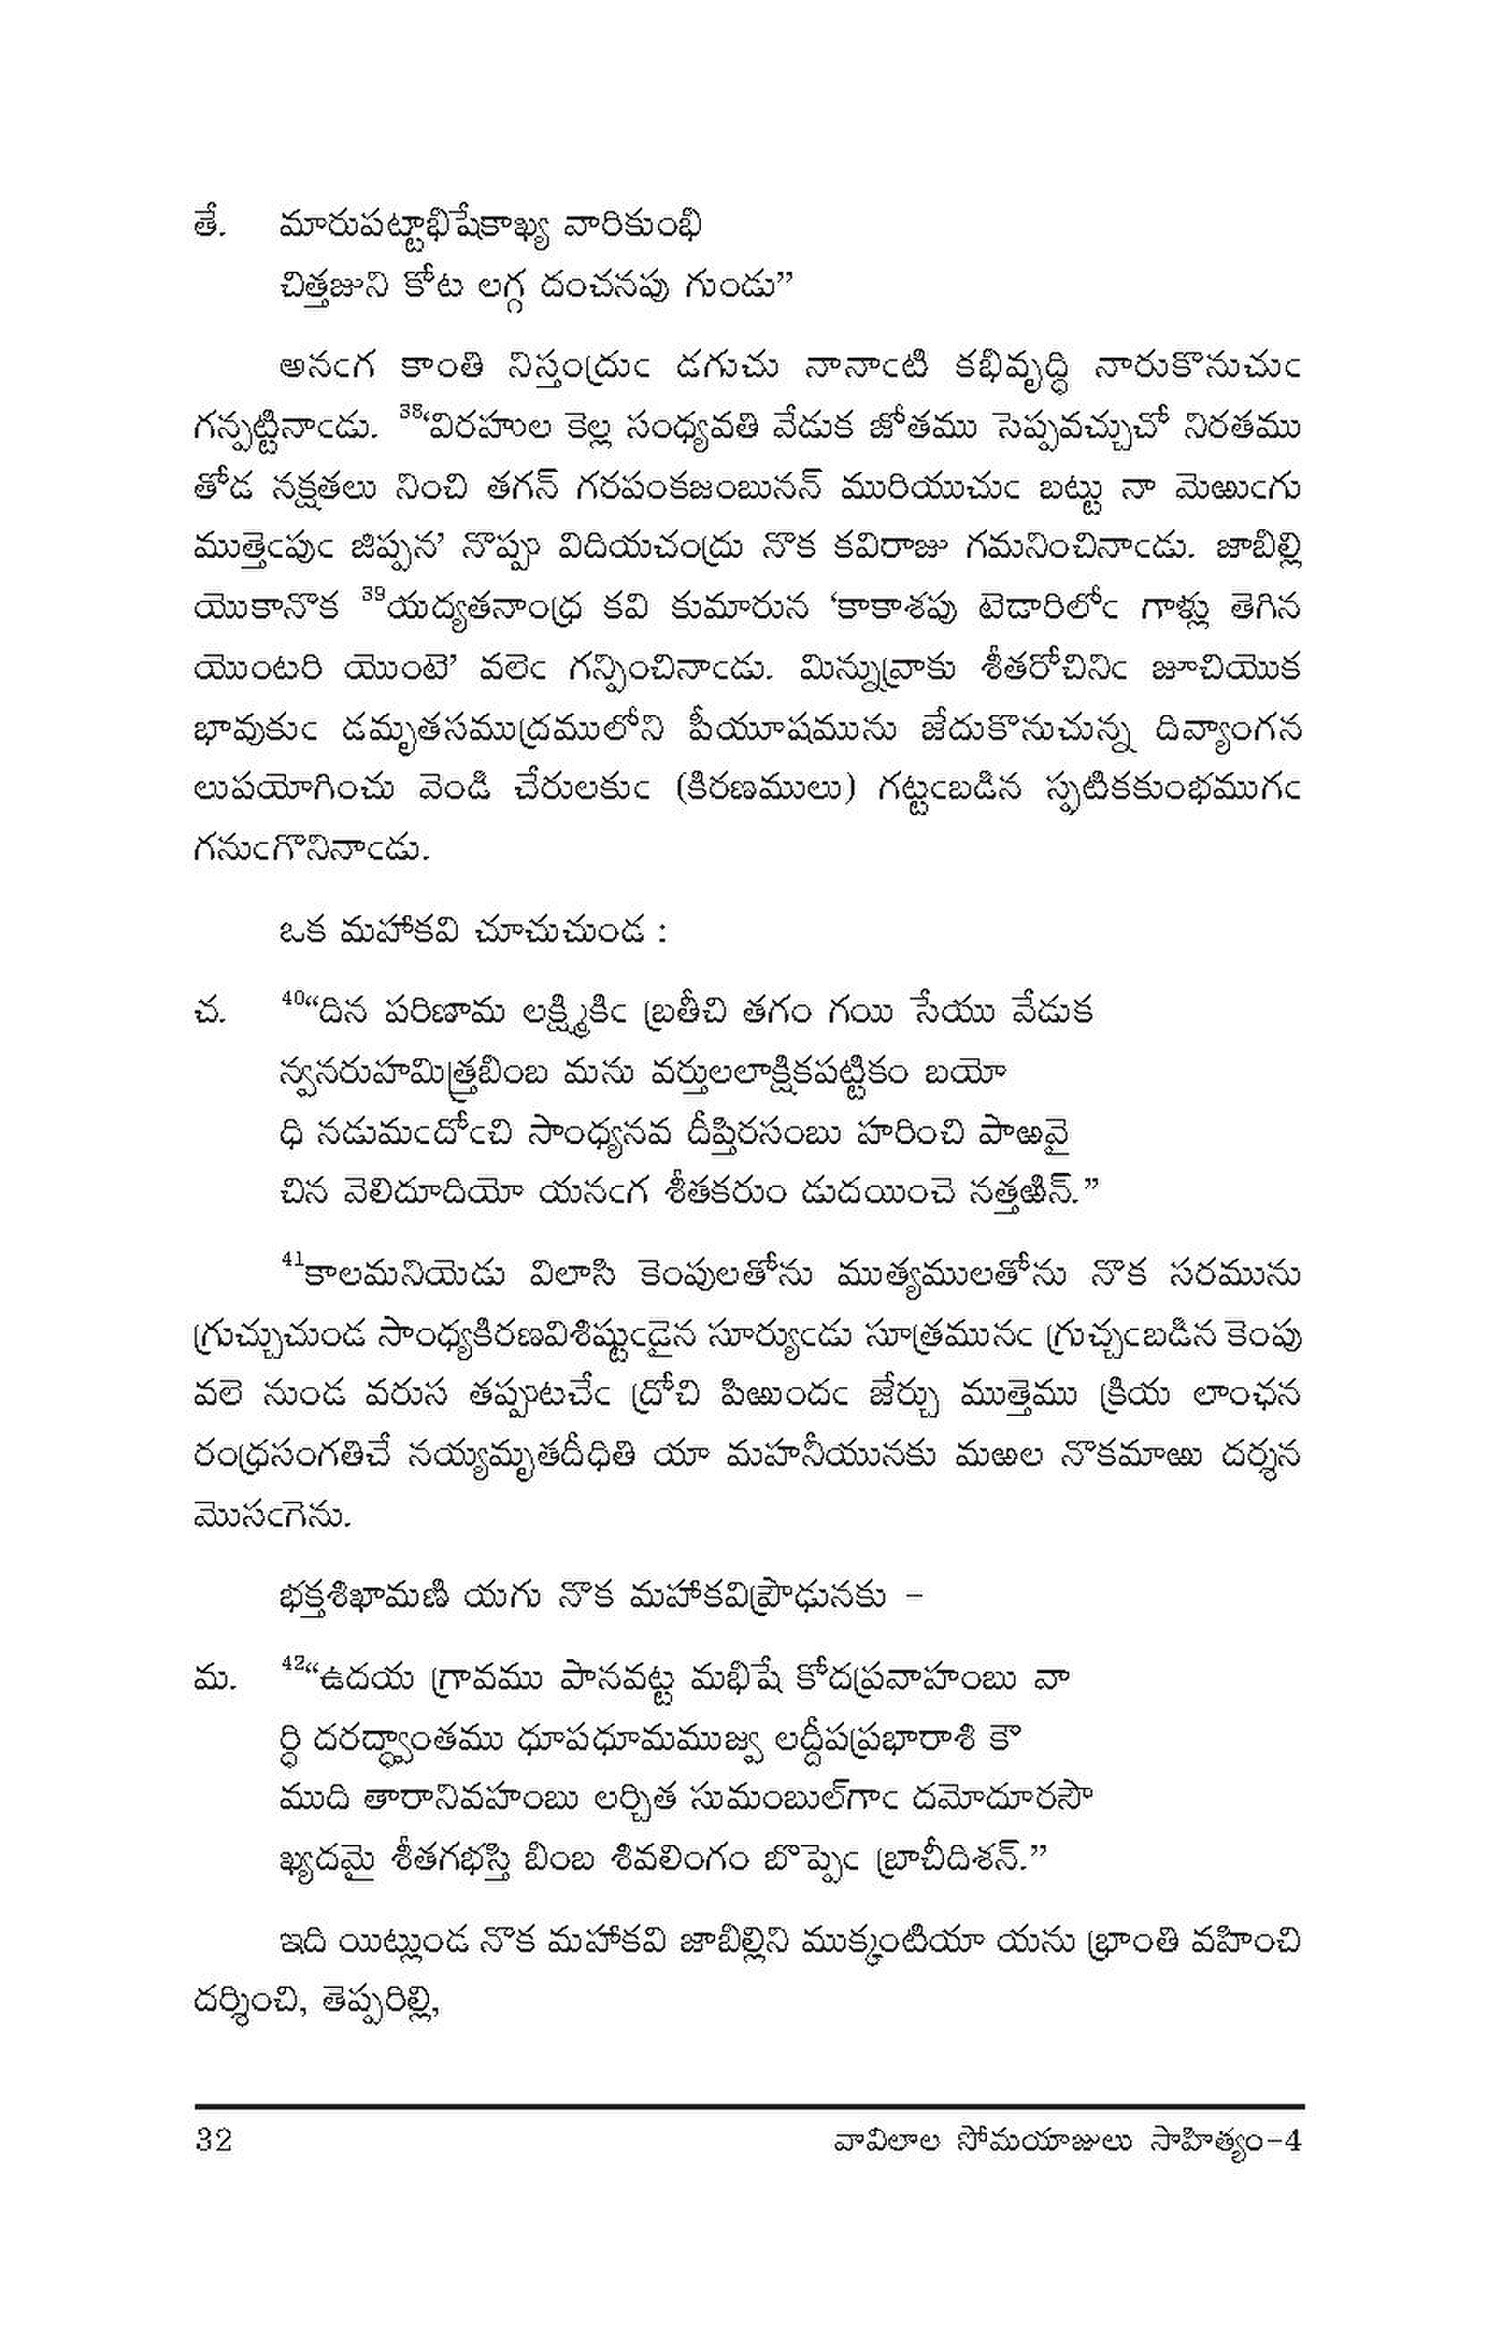తే. మారుపట్టాభిషేకాఖ్య వారికుంభి
 చిత్తజుని కోట లగ్గ దంచనపు గుండు”

అనఁగ కాంతి నిస్తంద్రుఁ డగుచు నానాఁటి కభివృద్ధి నారుకొనుచుఁ
గన్పట్టినాఁడు. 'విరహుల కెల్ల సంధ్యవతి వేడుక జోతము సెప్పవచ్చుచో నిరతము
తోడ నక్షతలు నించి తగన్ గరపంకజంబునన్ మురియుచుఁ బట్టు నా మెఱుఁగు
ముత్తెఁపుఁ జిప్పన' నొప్పు విదియచంద్రు నొక కవిరాజు గమనించినాఁడు. జాబిల్లి
యొకానొక యద్యతనాంధ్ర కవి కుమారున 'కాకాశపు టెడారిలోఁ గాళ్లు తెగిన
యొంటరి యొంటె' వలెఁ గన్పించినాఁడు. మిన్నువ్రాకు శీతరోచినిఁ జూచియొక
భావుకుఁ డమృతసముద్రములోని పీయూషమును జేదుకొనుచున్న దివ్యాంగన
లుపయోగించు వెండి చేరులకుఁ (కిరణములు) గట్టఁబడిన స్పటికకుంభముగఁ
గనుఁగొనినాఁడు.

ఒక మహాకవి చూచుచుండ :

చ. దిన పరిణామ లక్ష్మికిఁ బ్రతీచి తగం గయి సేయు వేడుక
 స్వనరుహమిత్రబింబ మను వర్తులలాక్షికపట్టికం బయో
 ధి నడుమఁదోఁచి సాంధ్యనవ దీప్తిరసంబు హరించి పాఱవై
 చిన వెలిదూదియో యనఁగ శీతకరుం డుదయించె నత్తఱిన్.”

కాలమనియెడు విలాసి కెంపులతోను ముత్యములతోను నొక సరమును
గ్రుచ్చుచుండ సాంధ్యకిరణవిశిష్టుఁడైన సూర్యుఁడు సూత్రమునఁ గ్రుచ్చఁబడిన కెంపు
వలె నుండ వరుస తప్పుటచేఁ ద్రోచి పిఱుందఁ జేర్చు ముత్తెము క్రియ లాంఛన
రంధ్రసంగతిచే నయ్యమృతదీధితి యా మహనీయునకు మఱల నొకమాఱు దర్శన
మొసఁగెను.

భక్తశిఖామణి యగు నొక మహాకవిప్రౌఢునకు -

మ. ఉదయ గ్రావము పానవట్ట మభిషే కోదప్రవాహంబు వా
 ర్ధి దరద్ధ్వాంతము ధూపధూమముజ్వ లద్దీపప్రభారాశి కౌ
 ముది తారానివహంబు లర్చిత సుమంబుల్గాఁ దమోదూరసౌ
 ఖ్యదమై శీతగభస్తి బింబ శివలింగం బొప్పెఁ బ్రాచీదిశన్.”

ఇది ఇట్లుండ నొక మహాకవి జాబిల్లిని ముక్కంటియా యను భ్రాంతి వహించి దర్శించి, తెప్పరిల్లి,